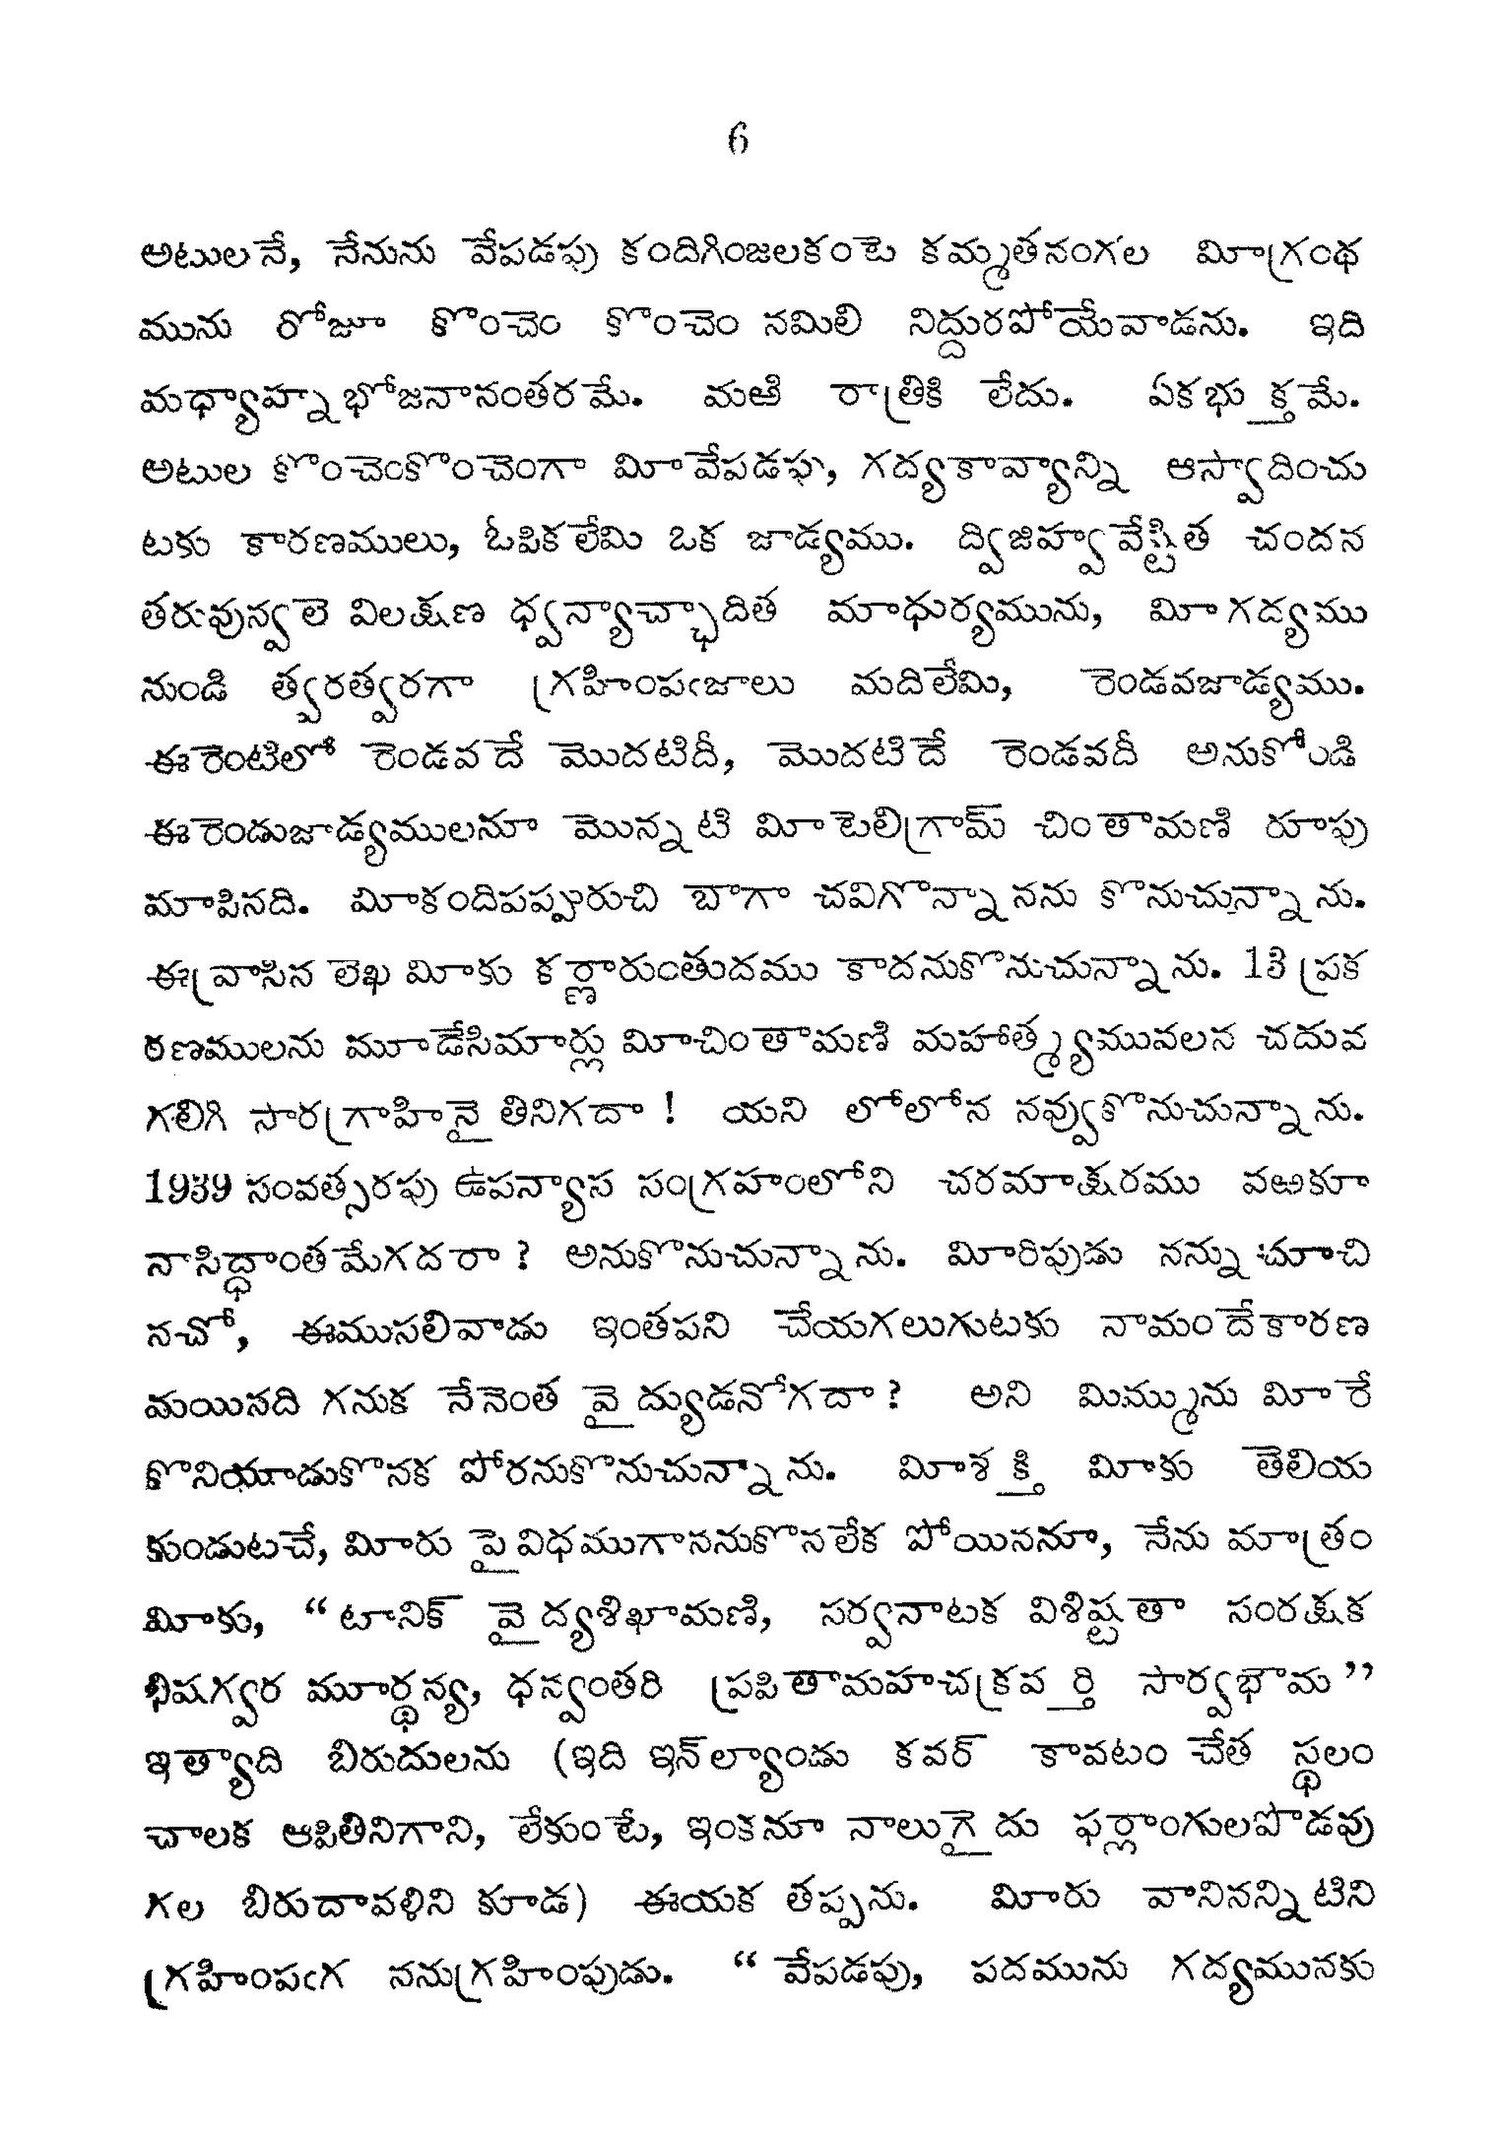అటులనే, నేనును వేపడపు కందిగింజలకంటె కమ్మతనంగల మీగ్రంథ
మును రోజూ కొంచెం కొంచెం నమిలి నిద్దురపోయేవాడను. ఇది
మధ్యాహ్నభోజనానంతరమే. మఱి రాత్రికి లేదు. ఏక భుక్తమే.
అటుల కొంచెంకొంచెంగా మీవేపడపు, గద్యకావ్యాన్ని ఆస్వాదించు
టకు కారణములు, ఓపికలేమి ఒక జాడ్యము. ద్విజిహ్వ వేష్టిత చందన
తరువున్వలె విలక్షణ ధ్వన్యాచ్ఛాదిత మాధుర్యమును, మీగద్యము
నుండి త్వరత్వరగా గ్రహింపఁజాలు మదిలేమి, రెండవజాడ్యము.
ఈరెంటిలో రెండవదే మొదటిదీ, మొదటిదే రెండవదీ అనుకోండి
ఈరెండుజాడ్యములనూ మొన్నటి మీటెలిగ్రామ్ చింతామణి రూపు
మాపినది. మీకందిపప్పురుచి బాగా చవిగొన్నానను కొనుచున్నాను.
ఈవ్రాసిన లేఖ మీకు కర్ణారుంతుదము కాదనుకొనుచున్నాను. 13 ప్రక
రణములను మూడేసిమార్లు మీచింతామణి మహాత్మ్యమువలన చదువ
గలిగి సారగ్రాహినైతినిగదా ! యని లోలోన నవ్వుకొనుచున్నాను.
1939 సంవత్సరపు ఉపన్యాస సంగ్రహంలోని చరమాక్షరము వఱకూ
నాసిద్ధాంతమేగదరా ? అనుకొనుచున్నాను. మీరిపుడు నన్ను చూచి
నచో, ఈముసలివాడు ఇంతపని చేయగలుగుటకు నామందేకారణ
మయినది గనుక నేనెంత వైద్యుడనోగదా! అని మిమ్మును మీరే
కొనియాడుకొనక పోరనుకొనుచున్నాను. మీశక్తి మీకు తెలియ
కుండుటచే, మీరు పైవిధముగాననుకొనలేక పోయిననూ, నేను మాత్రం
మీకు, “టానిక్ వైద్యశిఖామణి, సర్వనాటక విశిష్టతా సంరక్షక
భిషగ్వర మూర్థన్య, ధన్వంతరి ప్రపితామహచక్రవర్తి సార్వభౌమ"
ఇత్యాది బిరుదులను (ఇది ఇన్‌ల్యాండు కవర్ కావటం చేత స్థలం
చాలక ఆపితినిగాని, లేకుంటే, ఇంకనూ నాలుగైదు ఫర్లాంగులపొడవు
గల బిరుదావళిని కూడ) ఈయక తప్పను. మీరు వానినన్నిటిని
గ్రహింపఁగ ననుగ్రహింపుడు. “ వేపడపు, పదమును గద్యమునకు